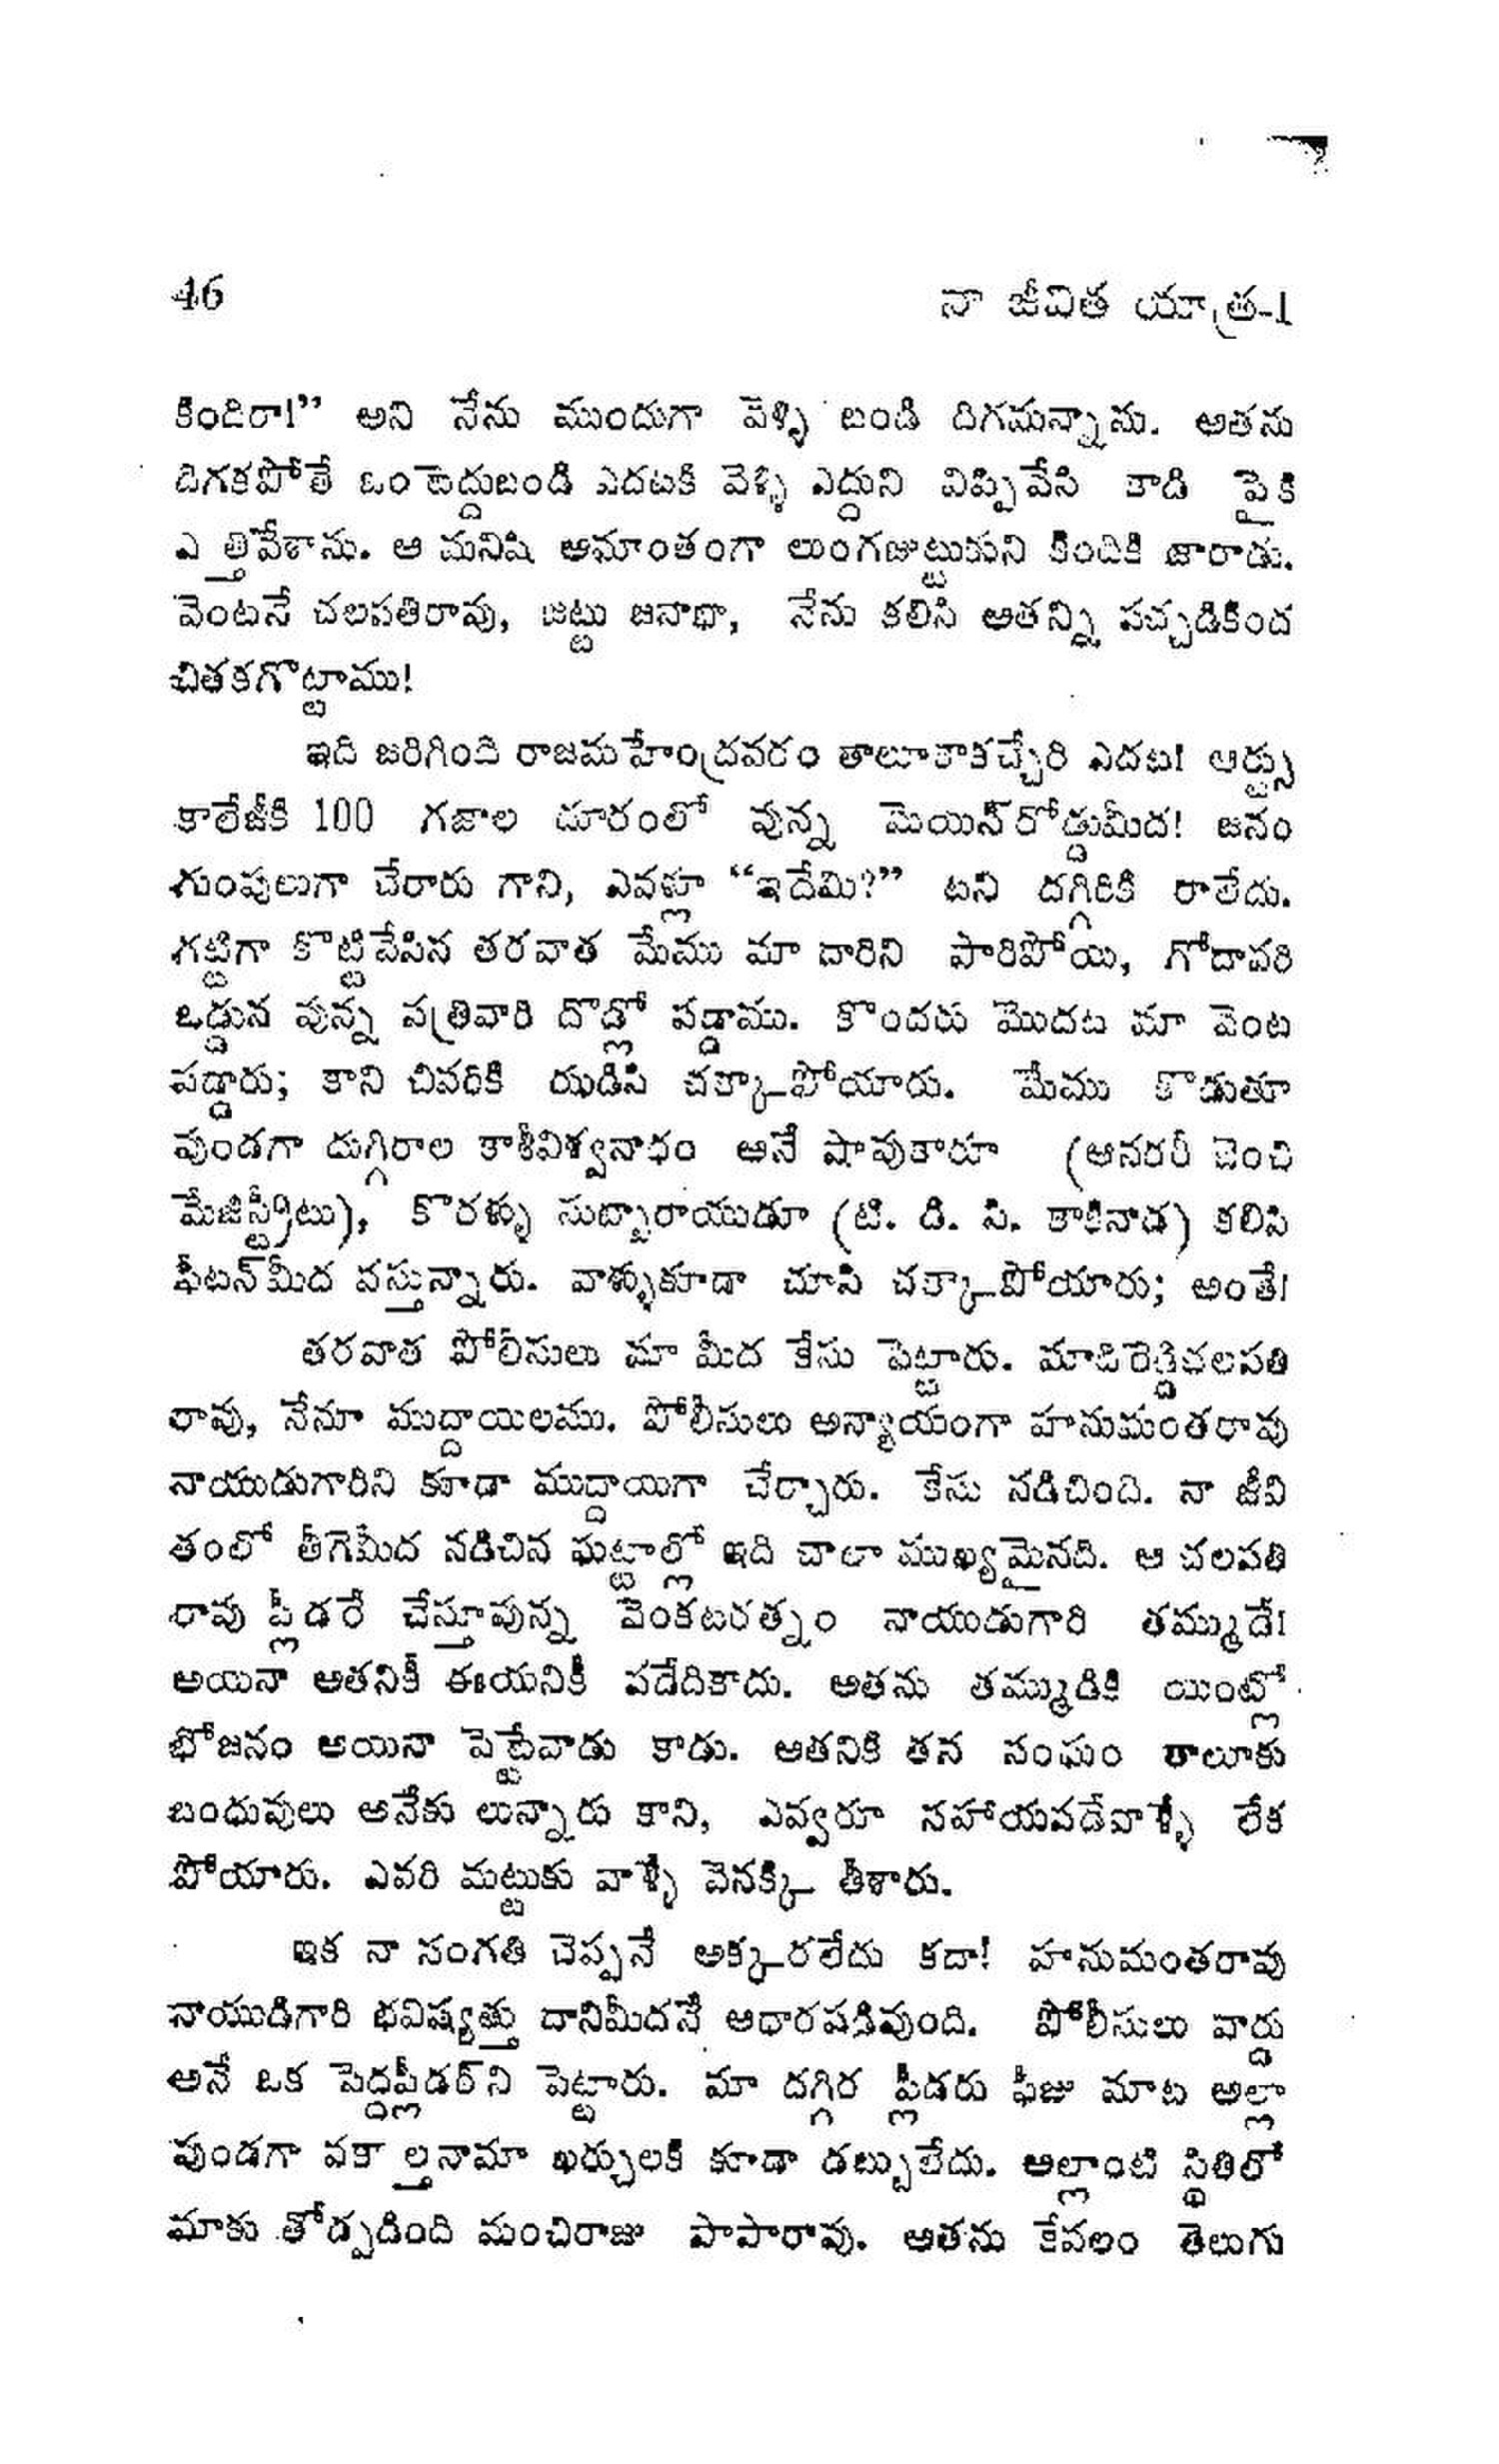కిందిరా!" అని నేను ముందుగా వెళ్ళి బండి దిగమన్నాను. అతను దిగకపోతే ఒంటెద్దుబండి ఎదటకి వెళ్ళి ఎద్దుని విప్పివేసి కాడి పైకి ఎత్తివేశాను. ఆ మనిషి అమాంతంగా లుంగజుట్టుకుని కిందికి జారాడు. వెంటనే చలపతిరావు, జట్టు జనాభా, నేను కలిసి అతన్ని పచ్చడికింద చితకగొట్టాము!

ఇది జరిగింది రాజమహేంద్రవరం తాలూకాకచ్చేరి ఎదట! ఆర్ట్సు కాలేజీకి 100 గజాల దూరంలో వున్న మెయిన్‌రోడ్డుమీద! జనం గుంపులుగా చేరారు గాని, ఎవళ్లూ "ఇదేమి?" టని దగ్గిరికి రాలేదు. గట్టిగా కొట్టివేసిన తరవాత మేము మా దారిని పారిపోయి, గోదావరి ఒడ్డున వున్న పత్రివారి దొడ్లో పడ్డాము. కొందరు మొదట మా వెంట పడ్డారు. కాని చివరికి ఝడిసి చక్కాపోయారు. మేము కొడుతూ వుండగా దుగ్గిరాల కాశీవిశ్వనాధం అనే షావుకారూ (ఆనరరీ బెంచి మేజిస్ట్రీటు), కొరళ్ళు సుబ్బారాయుడూ (టి. డి. పి. కాకినాడ) కలిసి ఫీటన్‌మీద వస్తున్నారు. వాళ్ళుకూడా చూసి చక్కాపోయారు; అంతే!

తరవాత పోలీసులు మా మీద కేసు పెట్టారు. మాదిరెడ్డిచలపతిరావు, నేనూ ముద్దాయిలము. పోలీసులు అన్యాయంగా హనుమంతరావు నాయుడుగారిని కూడా ముద్దాయిగా చేర్చారు. కేసు నడిచింది. నా జీవితంలో తీగెమీద నడిచిన ఘట్టాల్లో ఇది చాలా ముఖ్యమైనది. ఆ చలపతిరావు ప్లీడరే చేస్తూవున్న వెంకటరత్నం నాయుడుగారి తమ్ముడే! అయినా అతనికీ ఈయనికీ పడేదికాదు. అతను తమ్ముడికి యింట్లో భోజనం అయినా పెట్టేవాడు కాడు. అతనికి తన సంఘం తాలూకు బంధువులు అనేకు లున్నారు కాని, ఎవ్వరూ సహాయపడేవాళ్ళే లేక పోయారు. ఎవరి మట్టుకు వాళ్ళే వెనక్కి తీశారు.

ఇక నా సంగతి చెప్పనే అక్కరలేదు కదా! హనుమంతరావు నాయుడుగారి భవిష్యత్తు దానిమీదనే ఆధారపడివుంది. పోలీసులు వార్డు అనే ఒక పెద్దప్లీడర్‌ని పెట్టారు. మా దగ్గిర ప్లీడరు ఫీజు మాట అల్లా వుండగా వకాల్తనామా ఖర్చులకి కూడా డబ్బులేదు. అల్లాంటి స్థితిలో మాకు తోడ్పడింది మంచిరాజు పాపారావు. అతను కేవలం తెలుగు